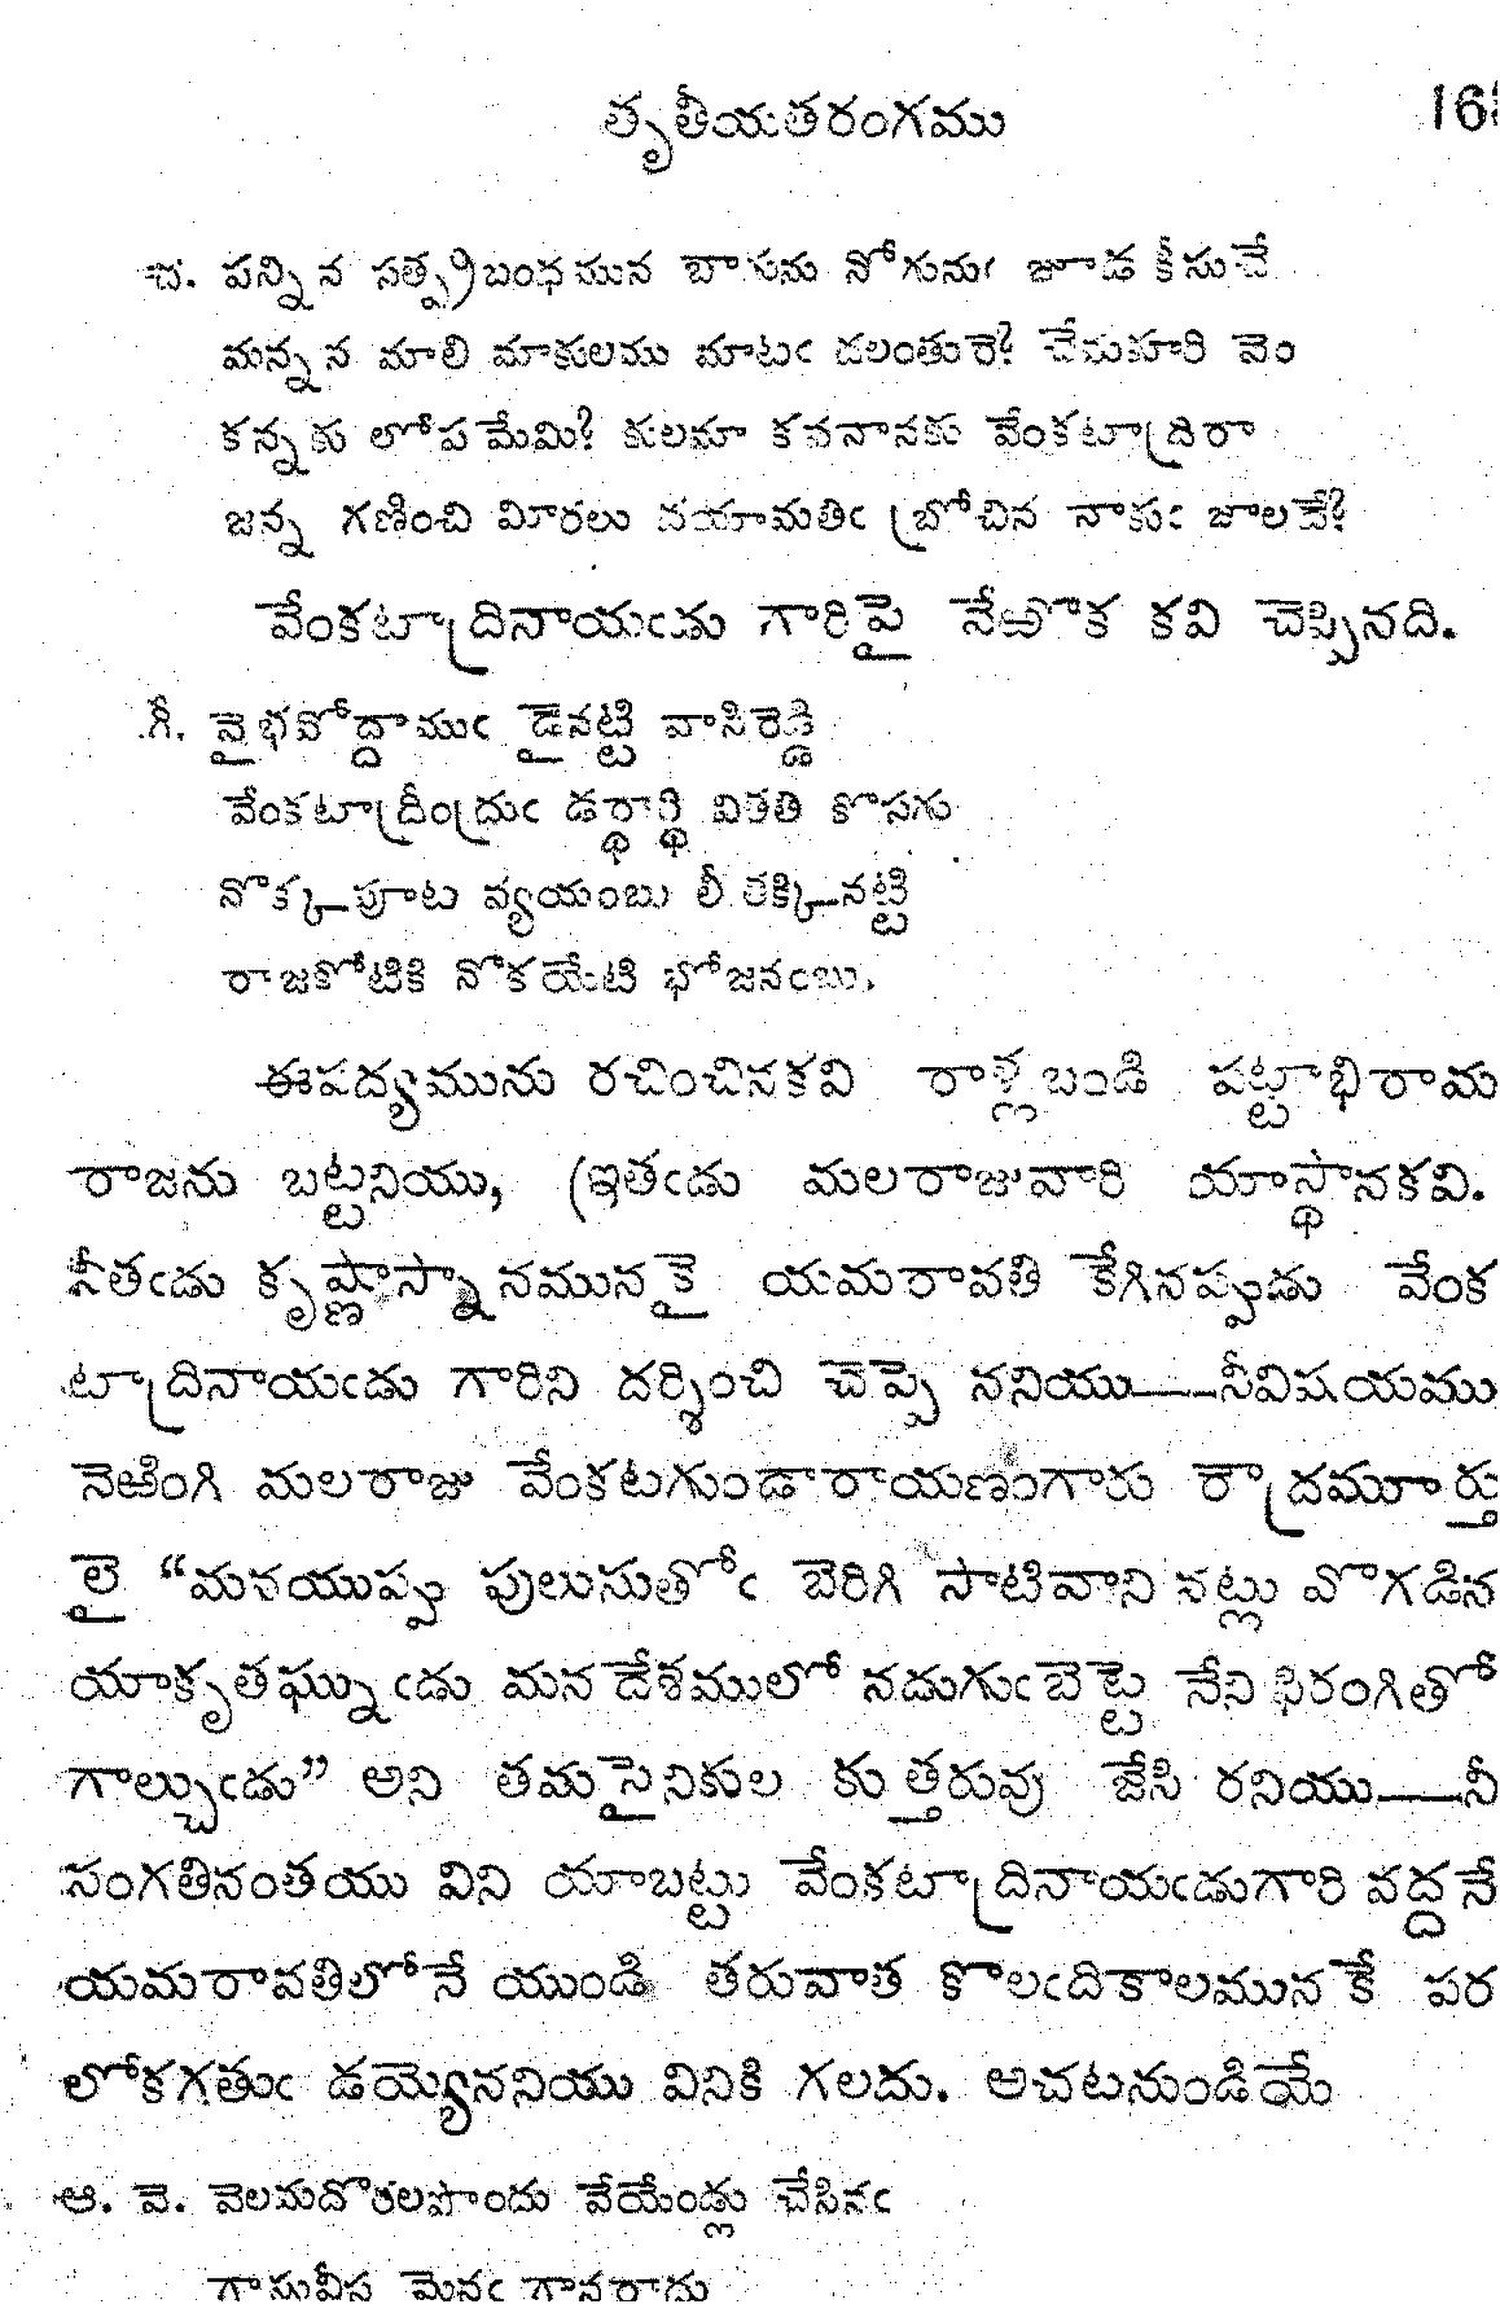చ. పన్నిన సత్ప్రబంధమున బాగును నోగునుఁ జూడ కీసుచే
 మన్నన మాలి మాకులము మాటఁ దలంతురె? చేమకూరి వెం
 కన్నకు లోపమేమి? కులమా కవనానకు వేంకటాద్రిరా
 జన్న గణించి మీరలు దయామతిఁ బ్రోచిన నాకుఁ జాలదే?

వేంకటాద్రినాయఁడుగారిపై వేఱొక కవి చెప్పినది.

గీ. వైభవోద్దాముఁ డైనట్టి వాసిరెడ్డి
 వేంకటాద్రీంద్రుఁ డర్థార్థి వితతి కొసగు
 నొక్కపూట వ్యయంబు లీ తక్కినట్టి
 రాజకోటికి నొకయేటి భోజనంబు.

ఈపద్యమును రచించినకవి రాళ్ళబండి పట్టాభిరామరాజను బట్టనియు (ఇతండు మలరాజువారి యాస్థానకవి), నీతఁడు కృష్ణాస్నానమునకై యమరావతి కేగినప్పుడు వేంకటాద్రినాయఁడుగారిని దర్శించి చెప్పెననియు—నీవిషయము నెఱింగి మలరాజు వేంకటగుండారాయణంగారు రౌత్రమూర్తులై “మనయుప్పు పులుసుతోఁ బెరిగి సాటివాని నట్లు వొగడిన యాకృతఘ్నుఁడు మనదేశములో నడుగుఁబెట్టెనేని ఫిరంగితో గాల్చుఁడు” అని తమసైనికుల కుత్తరువు జేసి రనియు—నీ సంగతినంతయు విని యాబట్టు వేంకటాద్రినాయఁడుగారివద్దనే యమరావతిలో యుండి తరువాత కొలఁదికాలమునకే పరలోకగతుఁ డయ్యెననియు వినికి గలదు. అచటినుండియే

ఆ. వెలమదొరలపొందు వేయేండ్లు చేసినఁ
 గాసువీస మైనఁ గానరాదు